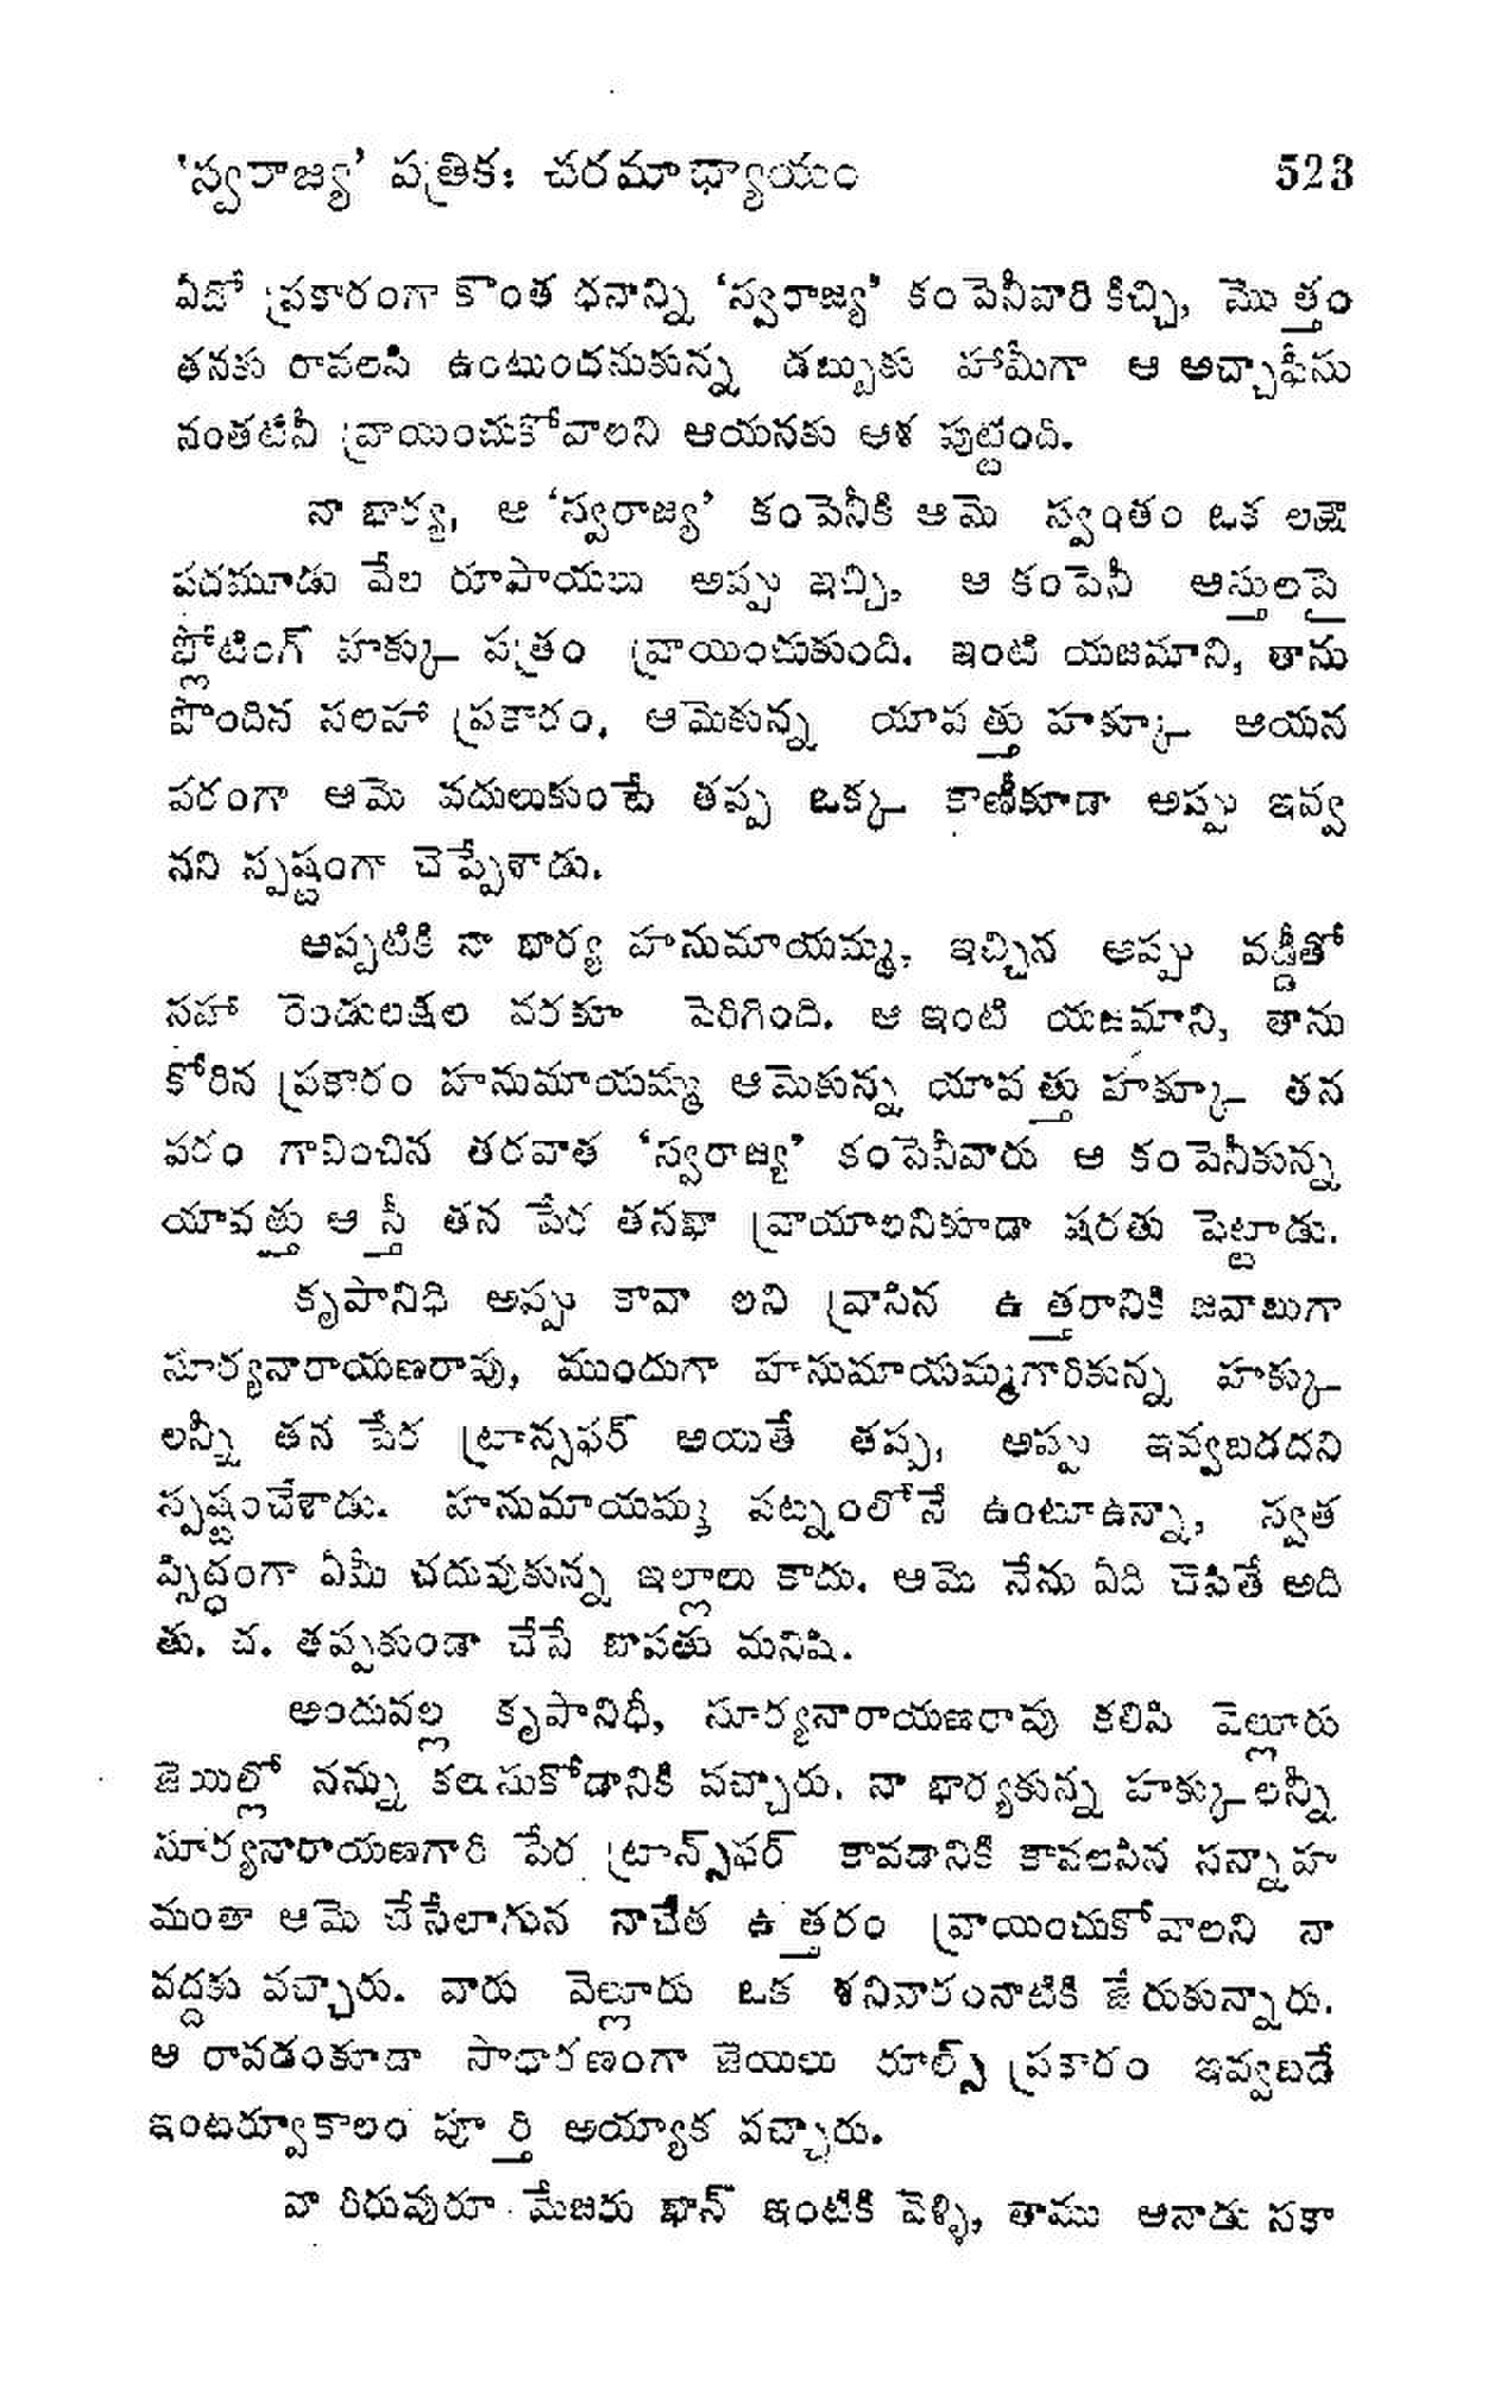ఏదో ప్రకారంగా కొంత ధనాన్ని 'స్వరాజ్య' కంపెనీవారి కిచ్చి, మొత్తం తనకు రావలసి ఉంటుందనుకున్న డబ్బుకు హామీగా ఆ అచ్చాఫీసునంతటినీ వ్రాయించుకోవాలని ఆయనకు ఆశ పుట్టింది.

నా భార్య, ఆ 'స్వరాజ్య' కంపెనీకి ఆమె స్వంతం ఒక లక్షా పదమూడు వేల రూపాయలు అప్పు ఇచ్చి, ఆ కంపెనీ ఆస్తులపై ఫ్లోటింగ్ హక్కు పత్రం వ్రాయించుకుంది. ఇంటి యజమాని, తాను పొందిన సలహా ప్రకారం, ఆమెకున్న యావత్తు హక్కూ ఆయన పరంగా ఆమె వదులుకుంటే తప్ప ఒక్క కాణీకూడా అప్పు ఇవ్వనని స్పష్టంగా చెప్పేశాడు.

అప్పటికి నా భార్య హనుమాయమ్మ, ఇచ్చిన అప్పు వడ్డీతో సహా రెండులక్షల వరకూ పెరిగింది. ఆ ఇంటి యజమాని, తాను కోరిన ప్రకారం హనుమాయమ్మ ఆమెకున్న యావత్తు హక్కూ తనపరం గావించిన తరవాత 'స్వరాజ్య' కంపెనీవారు ఆ కంపెనీకున్న యావత్తు ఆస్తీ తన పేర తనఖా వ్రాయాలనికూడా షరతు పెట్టాడు.

కృపానిధి అప్పు కావాలని వ్రాసిన ఉత్తరానికి జవాబుగా సూర్యనారాయణరావు, ముందుగా హనుమాయమ్మగారి కున్న హక్కులన్నీ తన పేర ట్రాన్సఫర్ అయితే తప్ప, అప్పు ఇవ్వబడదని స్పష్టంచేశాడు. హనుమాయమ్మ పట్నంలోనే ఉంటూ ఉన్నా, స్వతస్సిద్దంగా ఏమీ చదువుకున్న ఇల్లాలు కాదు. ఆమె నేను ఏది చెపితే అది తు. చ. తప్పకుండా చేసే బాపతు మనిషి.

అందువల్ల కృపానిధీ, సూర్యనారాయణరావు కలిసి వెల్లూరు జెయిల్లో నన్ను కలుసుకోడానికి వచ్చారు. నా భార్యకున్న హక్కులన్నీ సూర్యనారాయణగారి పేర ట్రాన్స్‌ఫర్ కావడానికి కావలసిన సన్నాహమంతా ఆమె చేసేలాగున నాచేత ఉత్తరం వ్రాయించుకోవాలని నా వద్దకు వచ్చారు. వారు వెల్లూరు ఒక శనివారం నాటికి జేరుకున్నారు. ఆ రావడంకూడా సాధారణంగా జెయిలు రూల్స్ ప్రకారం ఇవ్వబడే ఇంటర్వూకాలం పూర్తి అయ్యాక వచ్చారు.

వా రిరువురూ మేజరు ఖాన్ ఇంటికి వెళ్ళి తాము ఆనాడు సకా